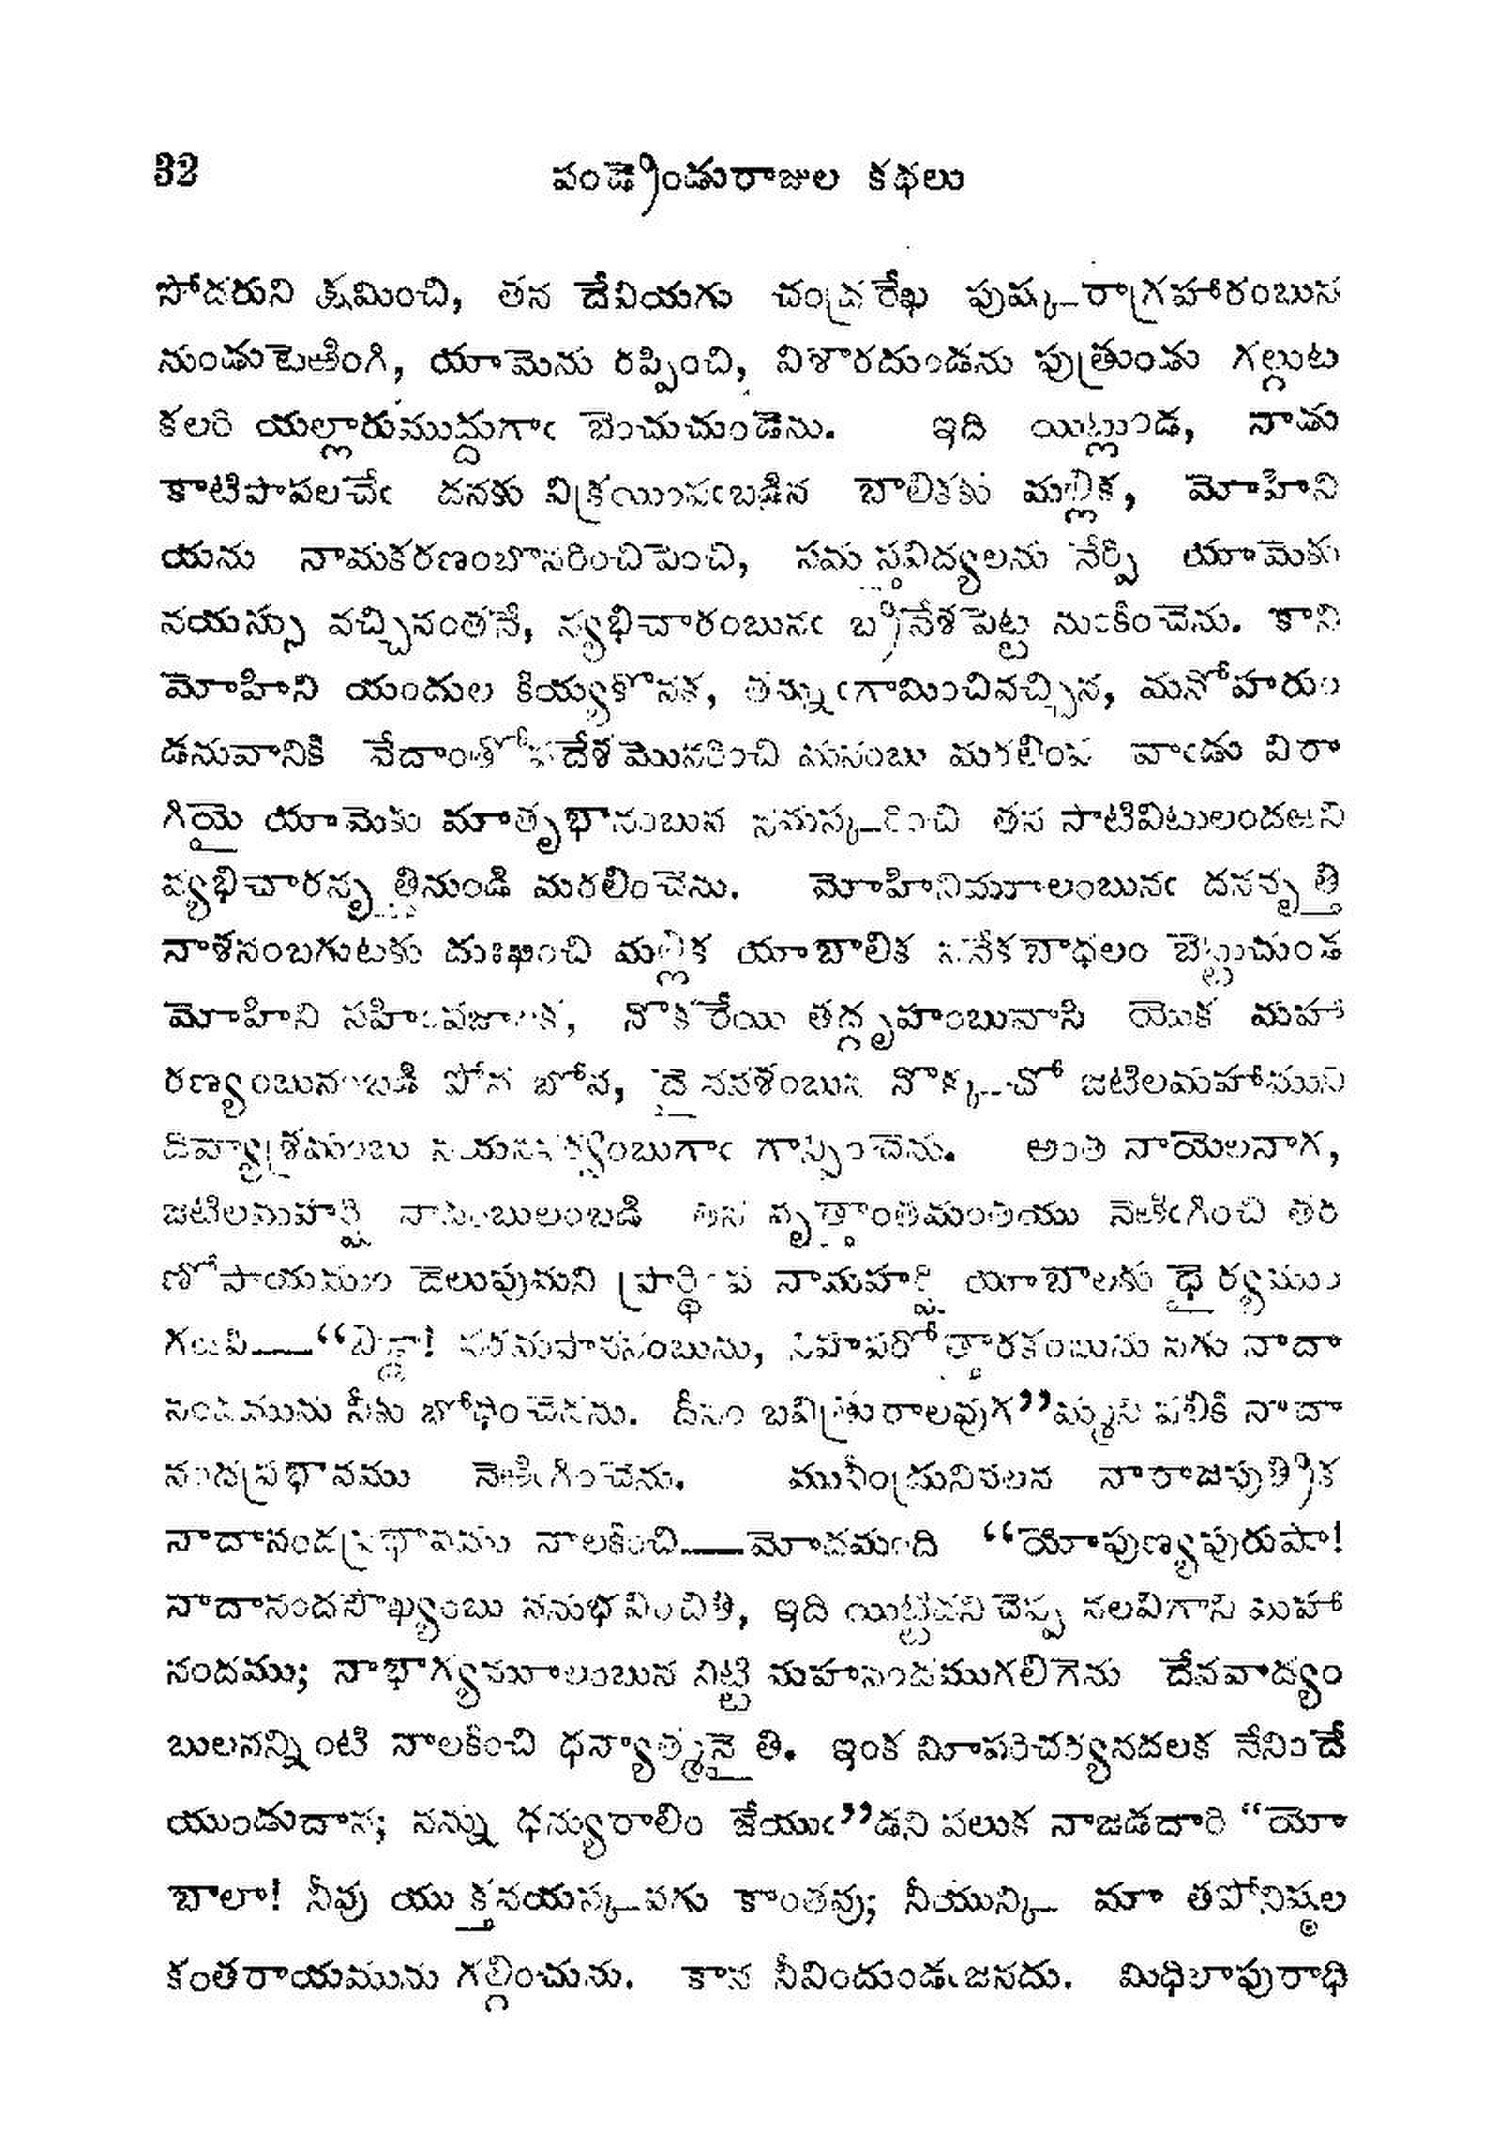సోదరుని క్షమించి, తన దేవియగు చంద్రరేఖ పుష్కరాగ్రహారంబున నుండు టెఱింగి, యామెను రప్పించి, విశారదుండను పుత్రుండు గల్గుట కలరి యల్లారుముద్దుగాఁ బెంచుచుండెను. ఇది యిట్లుండ, నాడు కాటిపాపలచేఁ దనకు విక్రయిఁబడిన బాలికకు మల్లిక, మోహిని యను నామకరణంబొనరించి పెంచి, సమస్త విద్యలను నేర్పి యామెకు వయస్సు వచ్చినంతనే, వ్యభిచారంబునఁ బ్రవేశ పెట్ట నుంకించెను. కాని మోహిని యందుల కియ్య కొనక, తన్నుఁగామించివచ్చిన, మనోహరుల
డనువానికి వేదాంతోపదేశ మొనరించి మనంబు మరలింప వాఁడు విరాగియై యామెకు మాతృభావంబున నమస్కరించి తన సాటివిటులందఱని వ్యభిచార వ్రుత్తి నుండి మరలించెను. మోహినిమూలంబునఁ దనవృత్తి నాశనంబగుటకు దుఃఖించి మల్లిక యాబాలిక ననేక బాధలం బెట్టుచుండ మోహిని సహింపజాలక, నొకరేయి తగ్గృహంబువాసి యెక మహారణ్యంబునంబడి పోవ బోవ, దైవవశంబున నొక్కచో జటిలమహాముని దివ్యాశ్రమంబు నయన పర్వంబుగాఁ గాన్పించెను. అంత నాయెలనాగ, జటిలమహర్షి పాదంబులం బడి తన వ్రుత్తాంతమంతయు నెఱిఁగించి తరణొపాయముం దెలుపుమని ప్రార్థింప నామహర్షి యా బాలకు ధైర్యముంగలుపి——"బిడ్డా! పరమపావనంబును, నిహపరోత్తారకంబును నగు నాదానందమును నీకు బోధించెదను. దీనిని బవిత్రురాలవుగ"మ్మని పలికి నాదానంద ప్రభావము నెఱిఁగించెను. మునీంద్రునివలన నారాజపుత్రిక నాదానంద ప్రభావము నాలకించి——మోదమంది "యోపుణ్యపురుషా! నాదానంద సౌఖ్యంబు ననుభవించితి, ఇది యిట్టిదని చెప్ప నలవిగాని మహానందము; నాభాగ్యమూలంబున నిట్టి మహానందము గలిగెను దేవవాద్యంబులనన్నింటి నాలకించి ధన్యాత్మనైతి. ఇంక మీపరిచర్యవదలక నేనిందే యుండుదాన, నన్ను ధన్యురాలిం జేయుఁ" డని పలుక నాజడదారి "యో బాలా! నీవు యుక్త వయస్కవగు కాంతవు; నీయున్కి మా తపోనిష్టల కంతరాయమును గల్గించును. కాన నీవిందుండఁజనదు. మిధిలాపురాధి